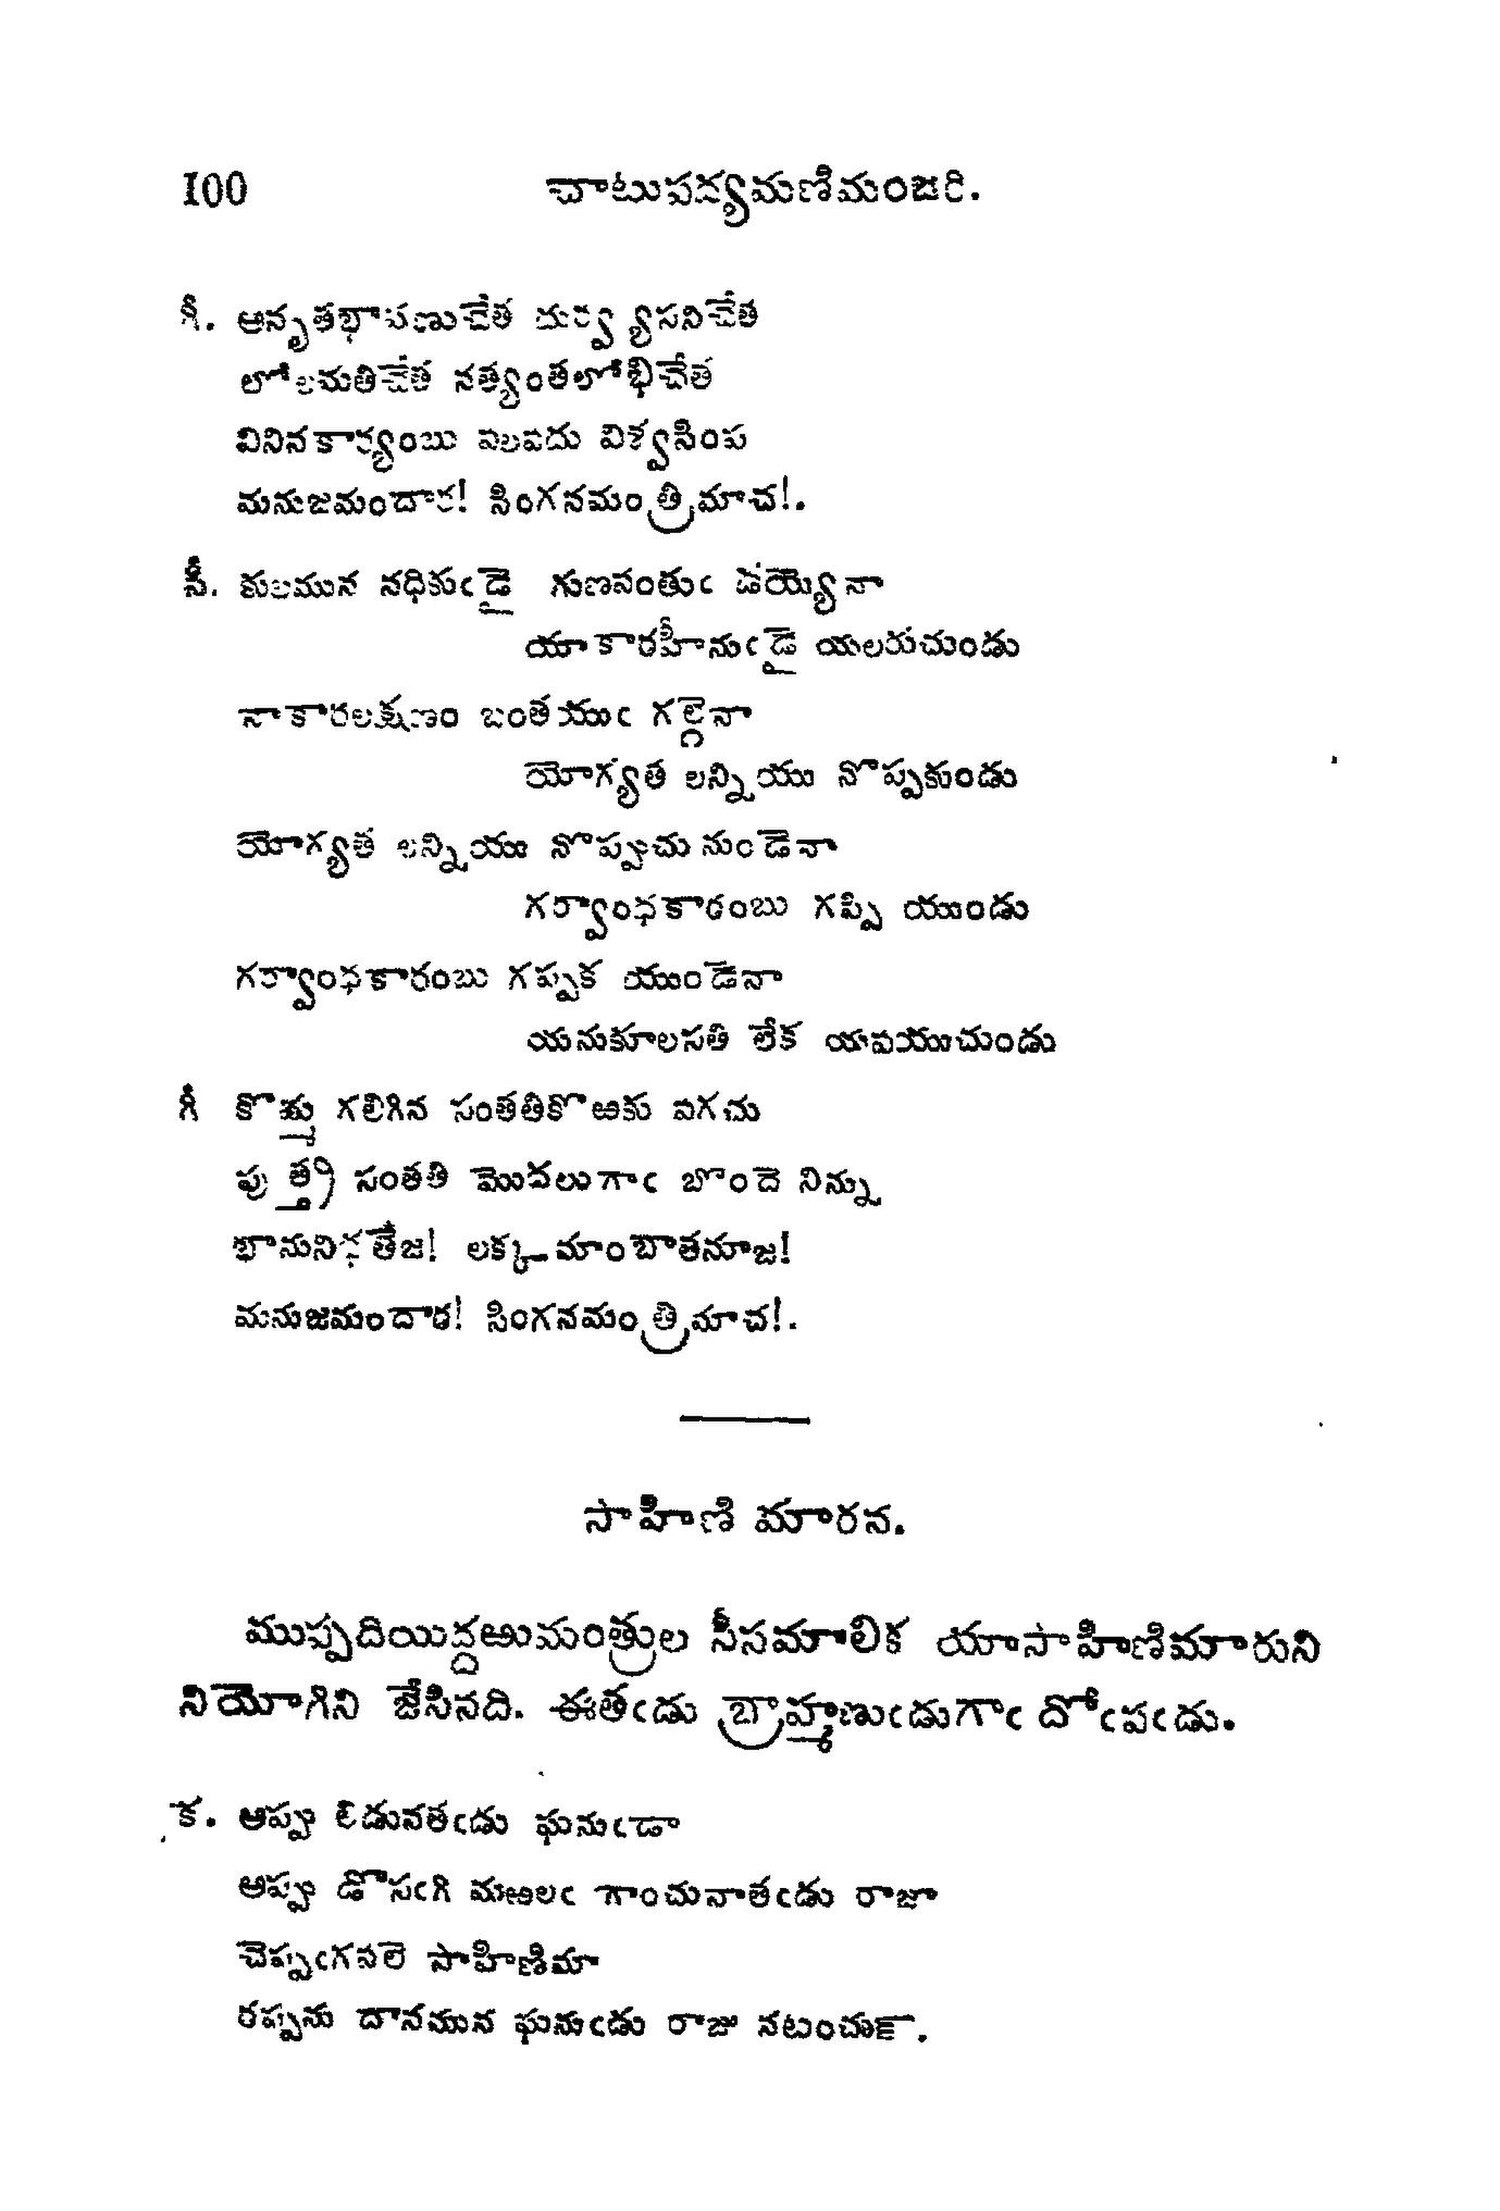గీ. అనృతభాషణుచేత దుర్వ్యసనిచేత
 లోలమతిచేత నత్యంతలోభిచేత
 వినినకార్యంబు వలవదు విశ్వసింప
 మనుజమందార! సింగనమంత్రిమాచ!
సీ. కులమున నధికుఁడై గుణవంతుఁ డయ్యెనా
 యాకారహీనుఁడై యలరుచుండు
 నాకారలక్షణం బంతయుఁ గల్గెనా
 యోగ్యత లన్నియు నొప్పకుండు
 యోగ్యత లన్నియు నొప్పుచ నుండెనా
 గర్వాంధకారంబు గప్పియుండు
 గర్వాంధకారంబు గప్పక యుండెనా
 యనుకూలసతి లేక యవయుచుండు
గీ. కొమ్మ గలిగిన సంతతికొఱకు వగచు
 పుత్త్రసంతతి మొదలుగాఁ బొందె నిన్ను
 భానునిభతేజ! లక్కమాంబాతనూజ!
 మనుజమందార! సింగనమంత్రిమాచ!

ముప్పదియిద్దఱుమంత్రుల సీసమాలిక యాసాహిణిమారుని నియోగిని జేసినది. ఈతఁడు బ్రాహ్మణుఁడుగాఁ దోఁపఁడు.
క. అప్పు లిడునతఁడు ఘనుఁడా
 అప్పు డొసఁగి మఱలఁ గాంచునాతఁడు రాజా
 చెప్పఁగవలె సాహిణిమా
 రప్పను దానమున ఘనుఁడు రాజు నటంచున్.